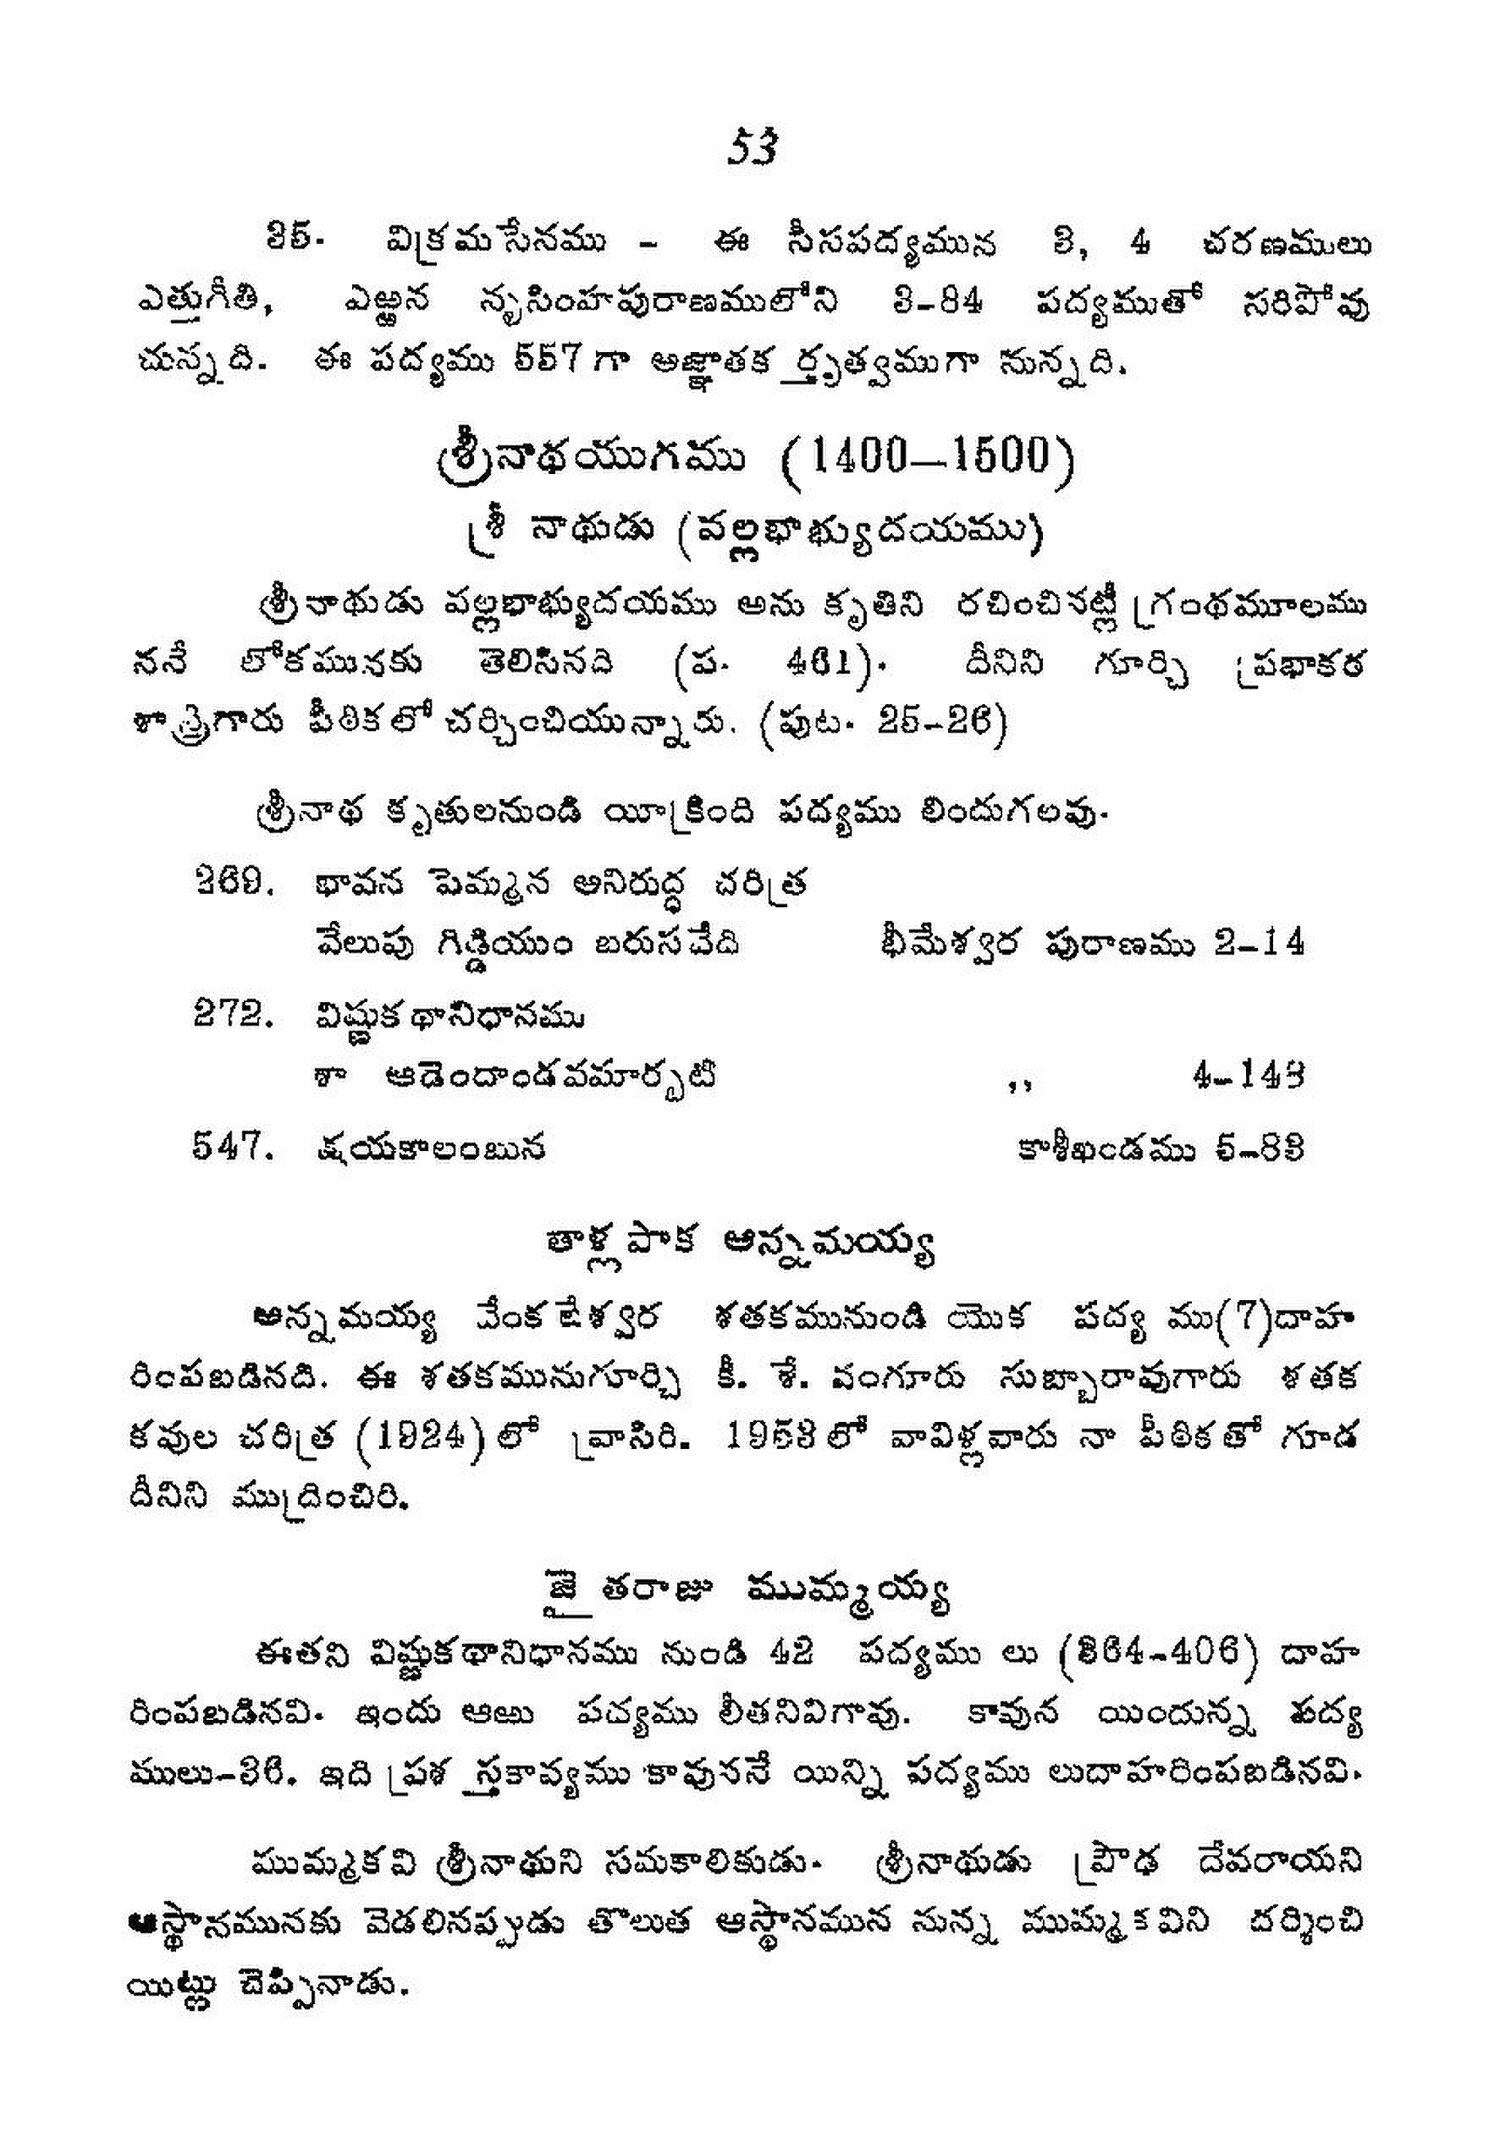35. విక్రమసేనము - ఈ సీసపద్యమున 3, 4 చరణములు
ఎత్తుగీతి, ఎఱ్ఱన నృసింహపురాణములోని 3-84 పద్యముతో సరిపోవు
చున్నది. ఈ పద్యము 557 గా అజ్ఞాతక ర్తృత్వముగా నున్నది.

శ్రీనాథుడు వల్లభాభ్యుదయము అను కృతిని రచించినట్లే గ్రంథమూలము
ననే లోకమునకు తెలిసినది (ప. 481). దీనిని గూర్చి ప్రభాకర`శాస్త్రి
గారు పీఠిక లో చర్చించియున్నారు. (పుట. 25-26)

269. భావన పెమ్మన అనిరుద్ధ చరిత్ర
వేలుపు గియుం బరుసచేది ........ ........ భీమేశ్వర పురాణము 2-14
272. విష్ణుకథానిధానము.............. ........... " ........ 4 -149
శా ఆడెందాండవమార్బటి
547. క్షయకాలంబున ......... ............. కాశీఖండము 5-89

అన్నమయ్య వేంకటేశ్వర శతకమునుండి యొక పద్యము(7)దాహ
రింపబడినది. ఈ శతకమునుగూర్చి కీ. శే. వంగూరు సుబ్బారావుగారు శతక
కవుల చరిత్ర (1924) లో వ్రాసిరి. 1953 లో వావిళ్లవారు నా పీఠికతో గూడ
దీనిని ముద్రించిరి.

ఈతని విష్ణుకథానిధానము నుండి 42 పద్యము లు (884-406) దాహ
రింపబడినవి. ఇందు ఆఱు పద్యము లీతనివిగావు. కావున యిందున్న పద్య
ములు-36. ఇది ప్రశ స్తకావ్యము కావుననే యిన్ని పద్యములుదాహరింపబడినవి.
ముమ్మకవి శ్రీనాథుని సమకాలికుడు. శ్రీనాథుడు ప్రౌఢ దేవరాయని
ఆస్థానమునకు వెడలినప్పుడు తొలుత ఆస్థానమున నున్న ముమ్మకవిని దర్శించి
యిట్లు చెప్పినాడు.